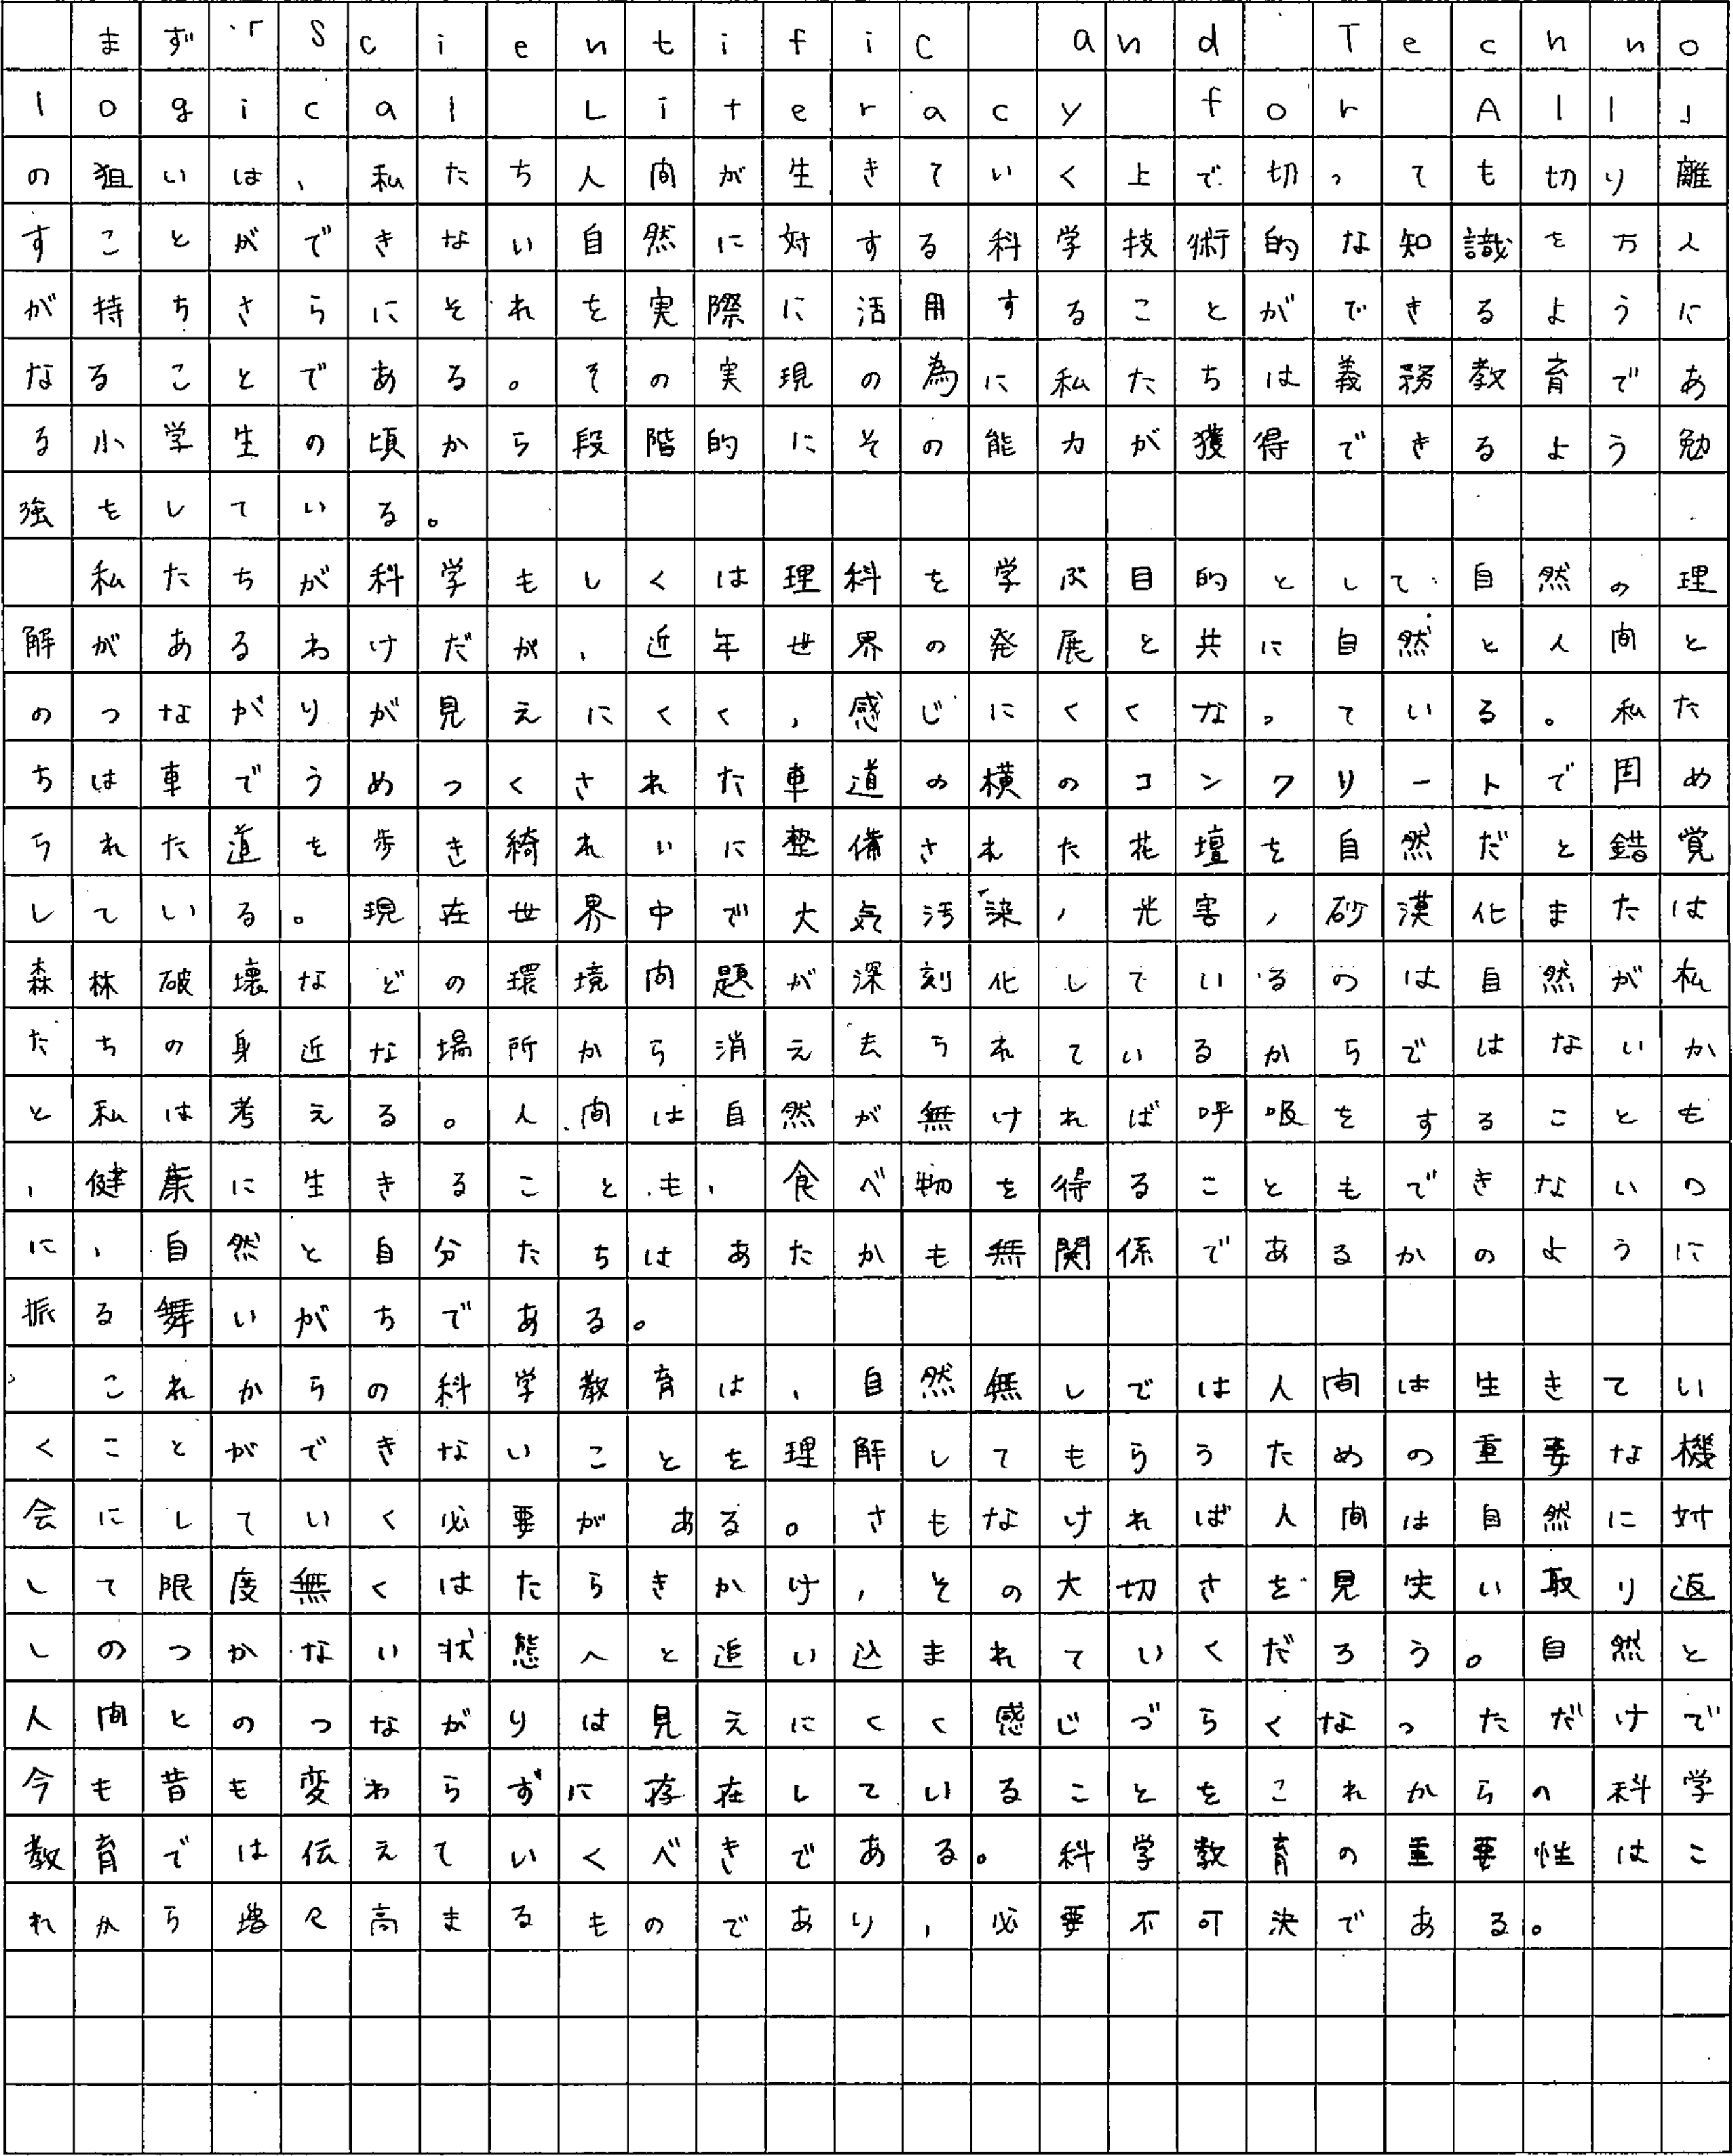　まず「Ｓｃｉｅｎｔｉｆｉｃ　ａｎｄ　Ｔｅｃｈｎｏｌｏｇｉｃａｌ　Ｌｉｔｅｒａｃｙ　ｆｏｒ　Ａｌｌ」の狙いは、私たち人間が生きていく上で切っても切り離すことができない自然に対する科学技術的な知識を万人が持ちさらにそれを実際に活用することができるようになることである。その実現の為に私たちは義務教育である小学生の頃から段階的にその能力が獲得できるよう勉強をしている。
　私たちが科学もしくは理科を学ぶ目的として自然の理解があるわけだが、近年世界の発展と共に自然と人間とのつながりが見えにくく、感じにくくなっている。私たちは車でうめつくされた車道の横のコンクリートで固められた道を歩き綺れいに整備された花壇を自然だと錯覚している。現在世界中で大気汚染、光害、砂漠化または森林破壊などの環境問題が深刻化しているのは自然が私たちの身近な場所から消え去られているからではないかと私は考える。人間は自然が無ければ呼吸をすることも、健康に生きることも、食べ物を得ることもできないのに、自然と自分たちはあたかも無関係であるかのように振る舞いがちである。
　これからの科学教育は、自然無しでは人間は生きていくことができないことを理解してもらうための重要な機会にしていく必要がある。さもなければ人間は自然に対して限度無くはたらきかけ、その大切さを見失い取り返しのつかない状態へと追い込まれていくだろう。自然と人間とのつながりは見えにくく感じづらくなっただけで今も昔も変わらずに存在していることをこれからの科学教育では伝えていくべきである。科学教育の重要性はこれから増々高まるものであり、必要不可決である。
